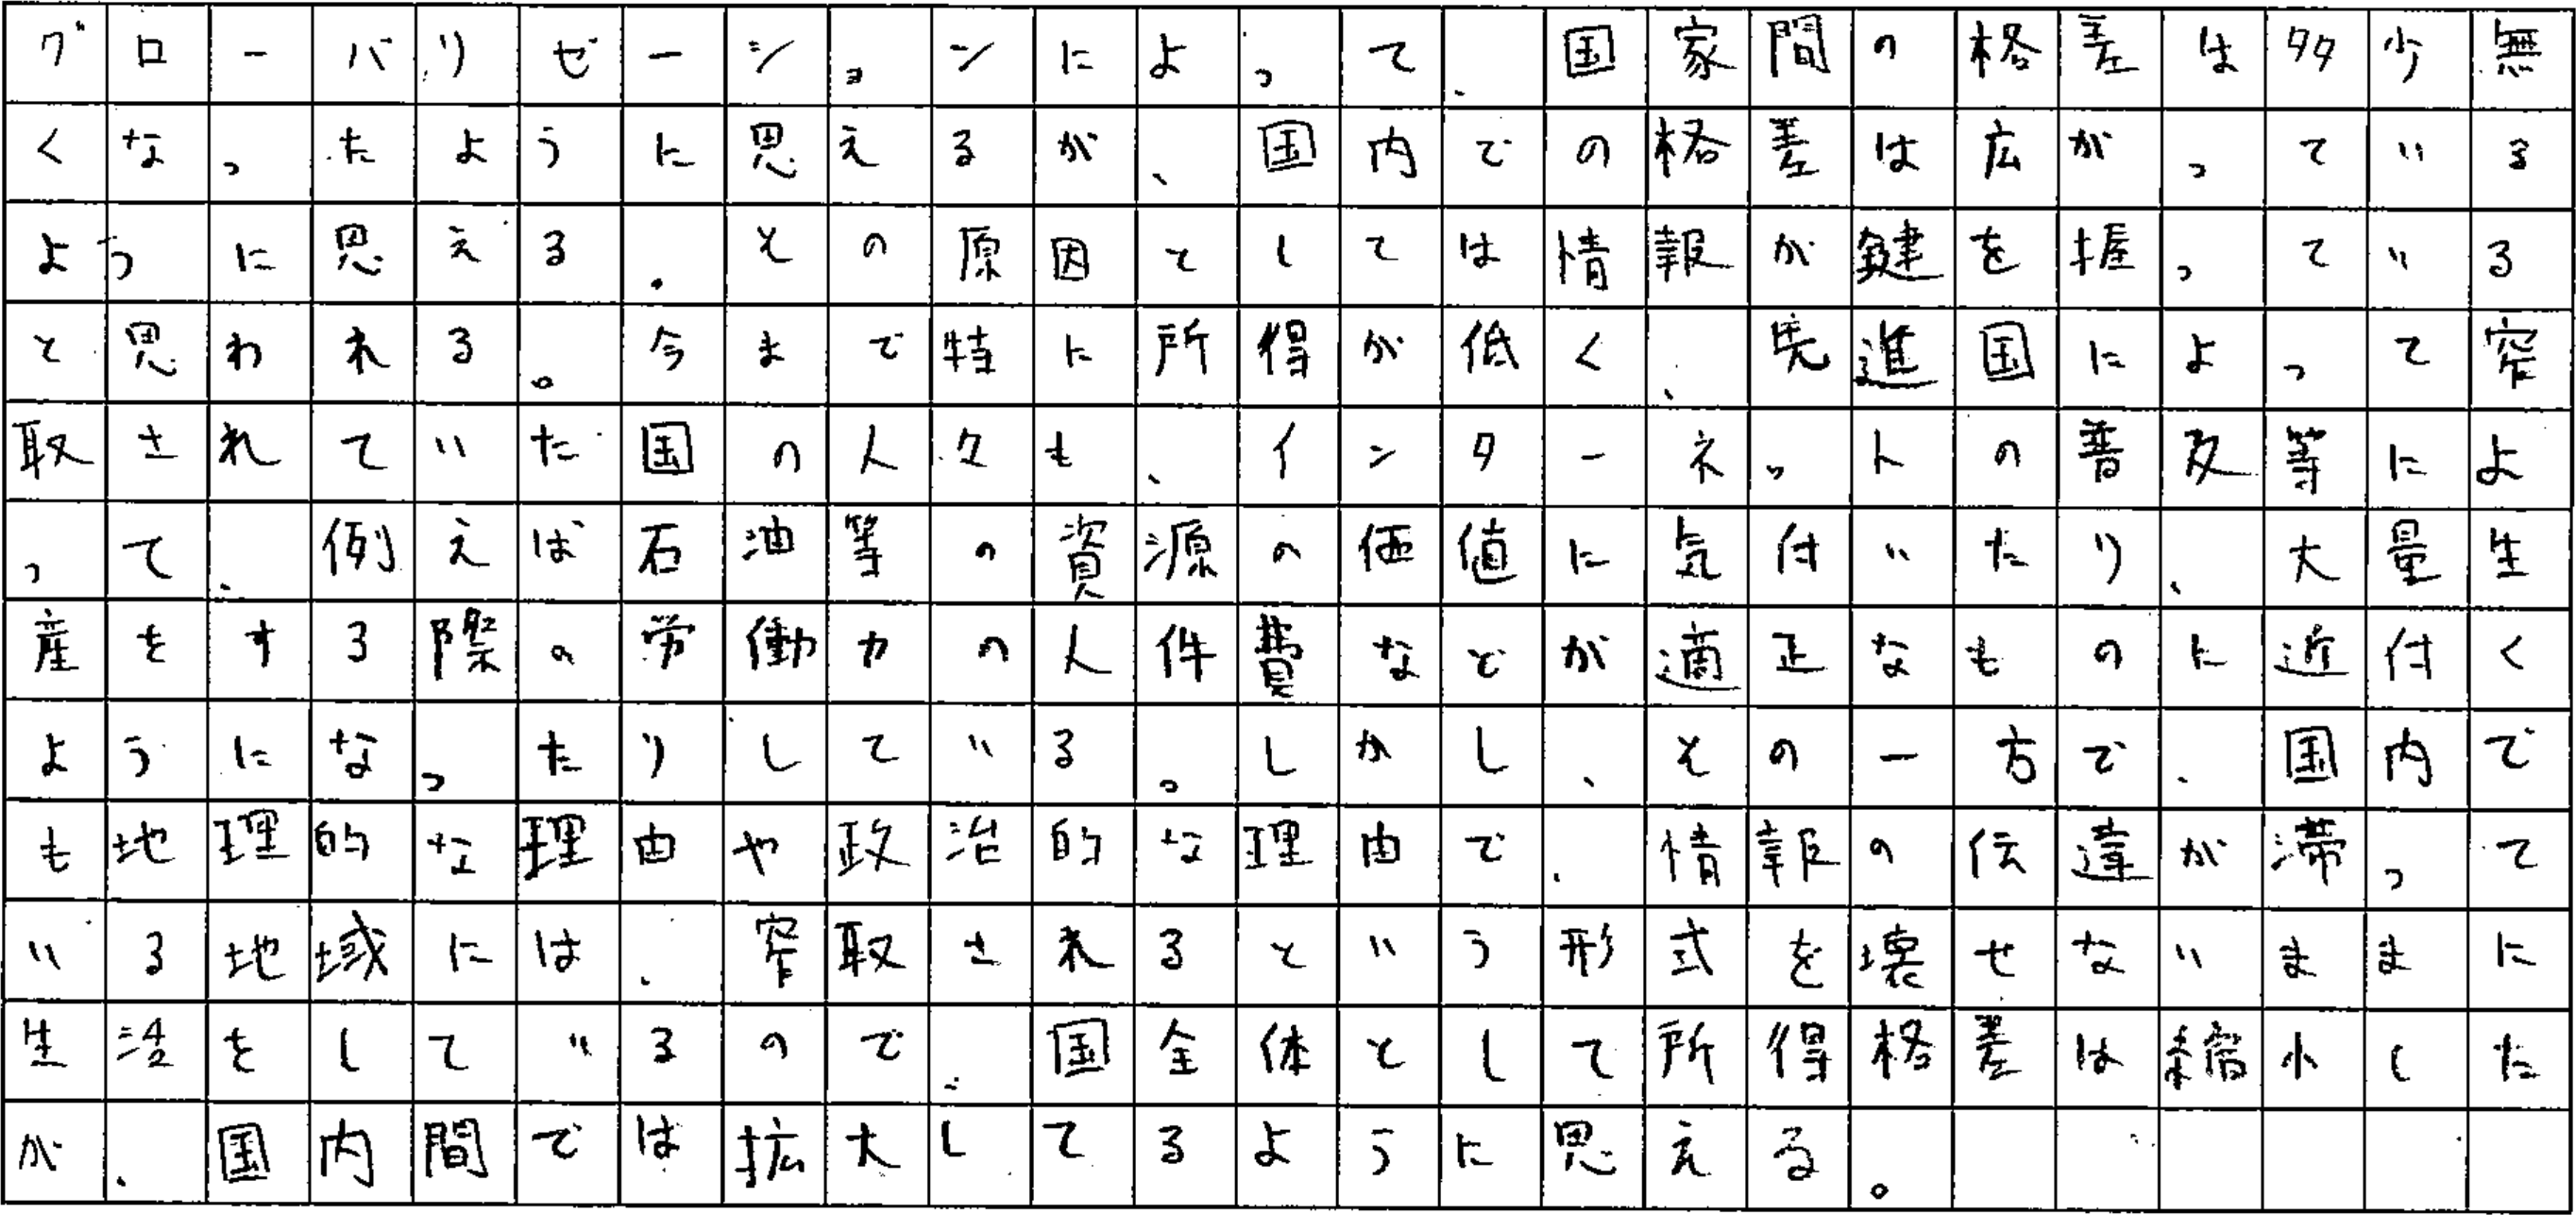グローバリゼーションによって、国家間の格差は多少無くなったように思えるが、国内での格差は広がっているように思える。その原因としては情報が鍵を握っていると思われる。今まで特に所得が低く、先進国によって窄取されていた国の人々も、インターネットの普及等によって、例えば石油等の資源の価値に気付いたり、大量生産をする際の労働力の人件費などが適正なものに近付くようになったりしている。しかし、その一方で、国内でも地理的な理由や政治的な理由で、情報の伝達が滞っている地域には、窄取されるという形式を壊せないままに生活をしているので、国全体として所得格差は縮小したが、国内間では拡大しているように思える。
